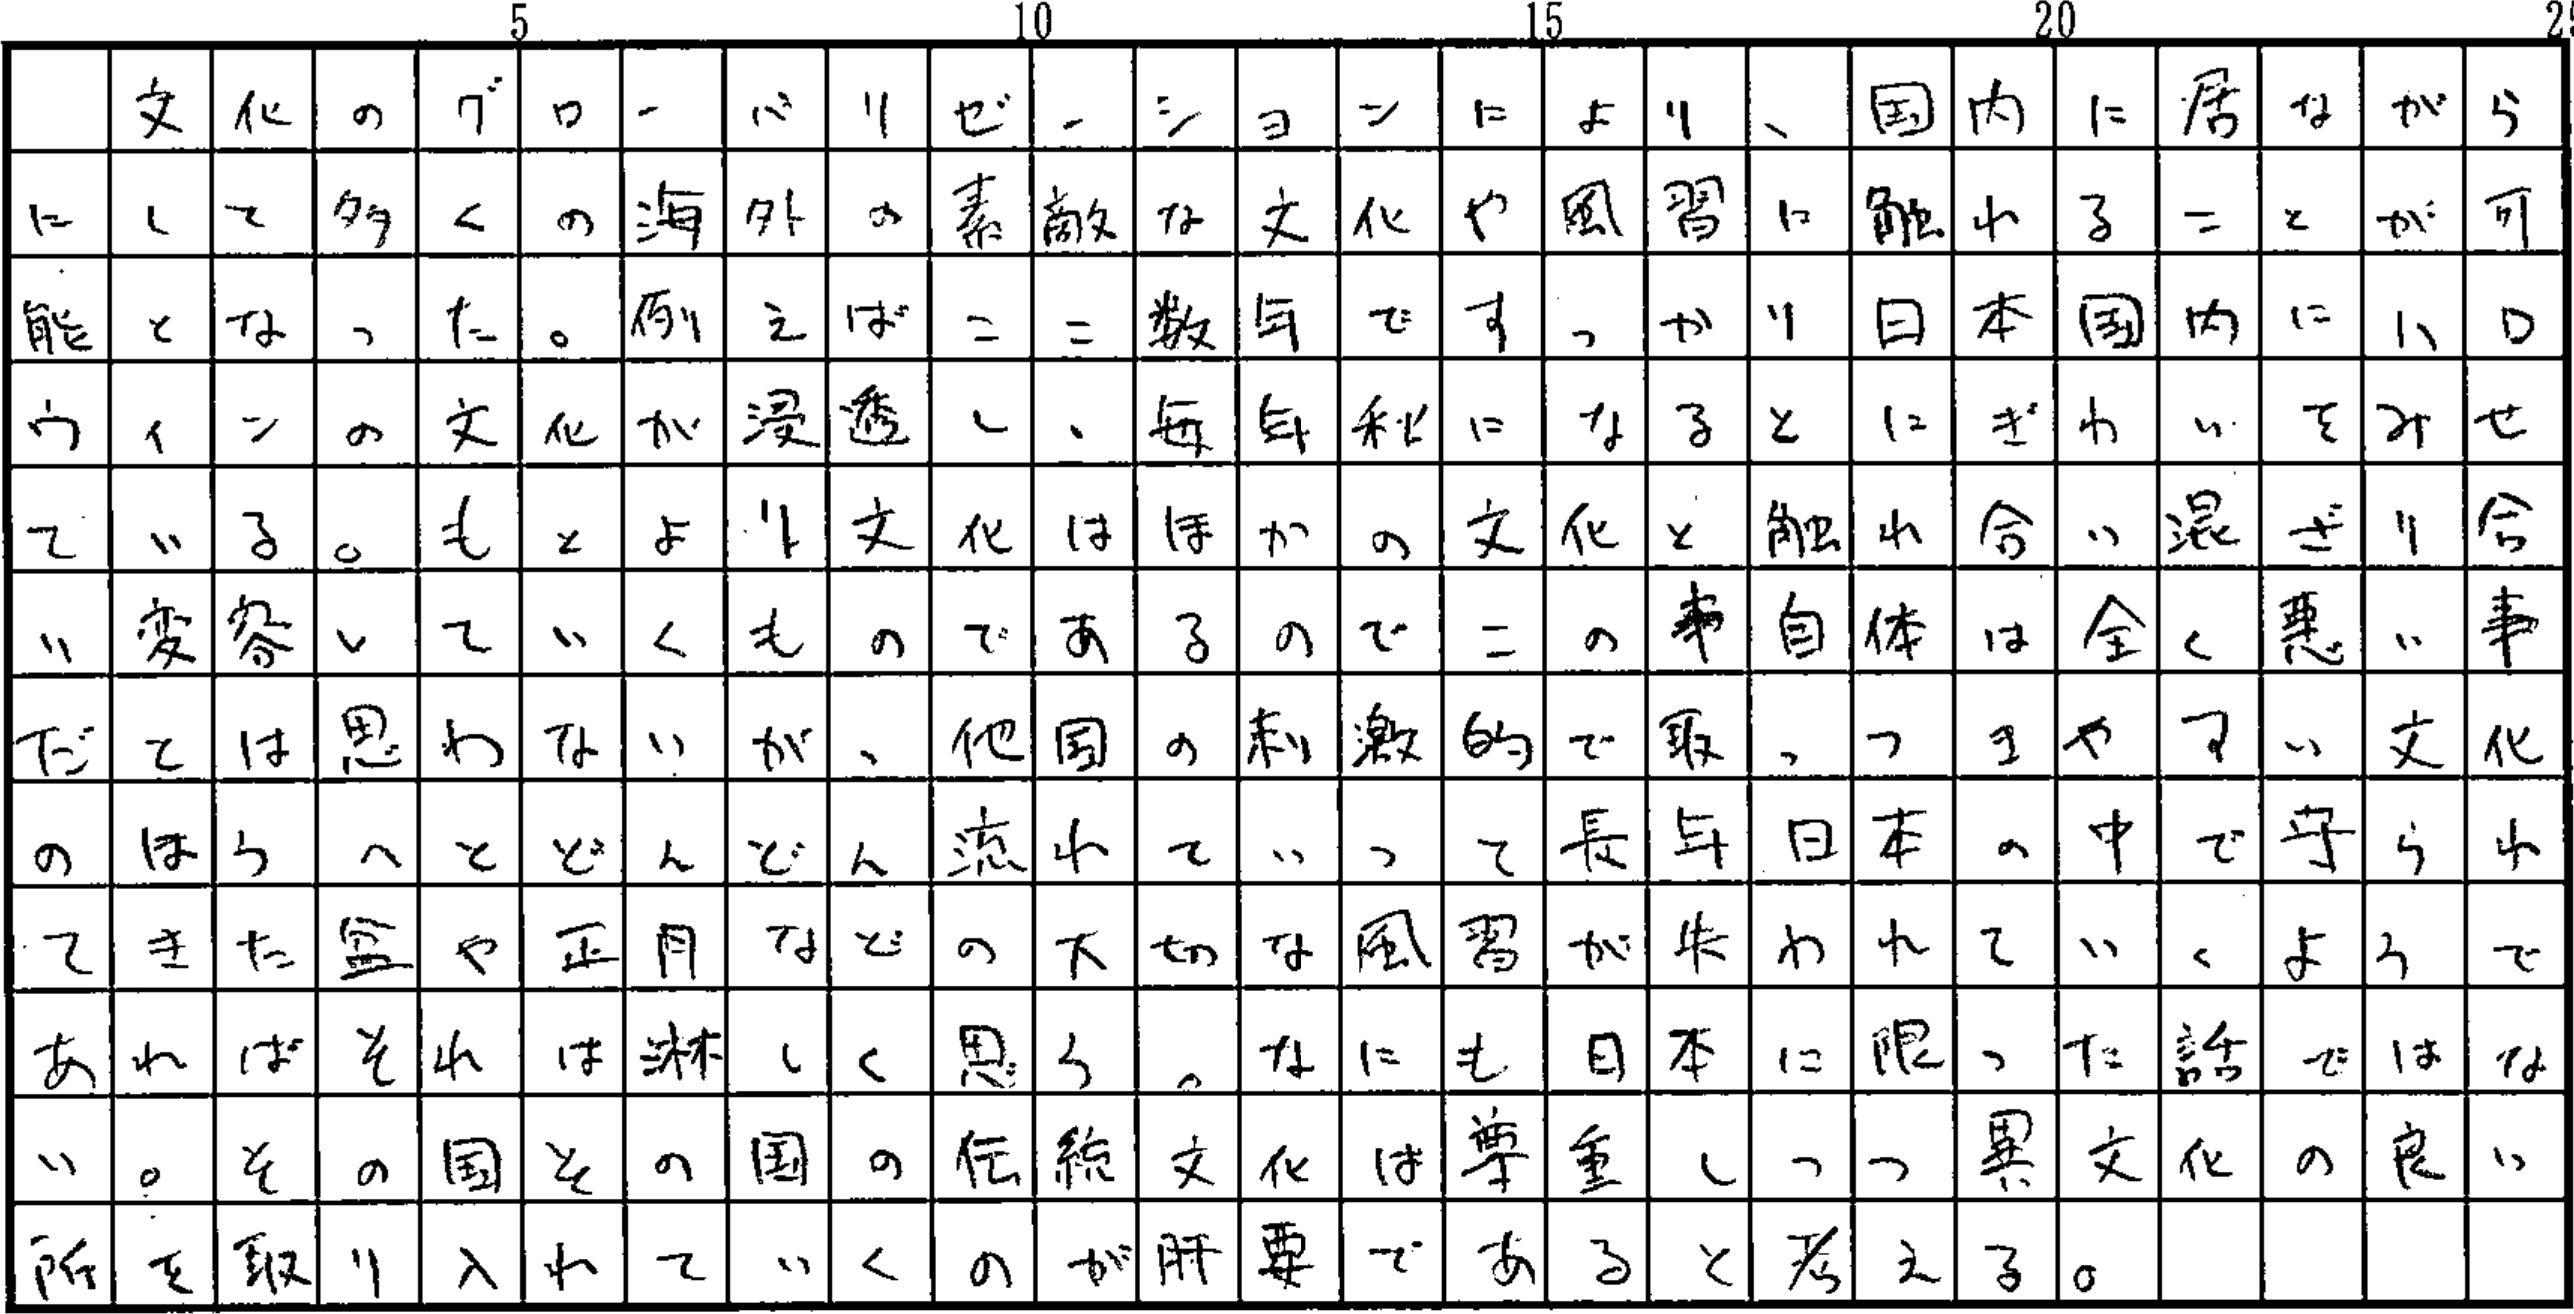　文化のグローバリゼーションにより、国内に居ながらにして多くの海外の素敵な文化や風習に触れることが可能となった。例えばここ数年ですっかり日本国内にハロウィンの文化が浸透し、毎年秋になるとにぎわいをみせている。もとより文化はほかの文化と触れ合い混ざり合い変容していくものであるのでこの事自体は全く悪い事だとは思わないが、他国の刺激的で取っつきやすい文化のほうへとどんどん流れていって長年日本の中で守られてきた盆や正月などの大切な風習が失われていくようであればそれは淋しく思う。なにも日本に限った話ではない。その国その国の伝統文化は尊重しつつ異文化の良い所を取り入れていくのが肝要であると考える。
